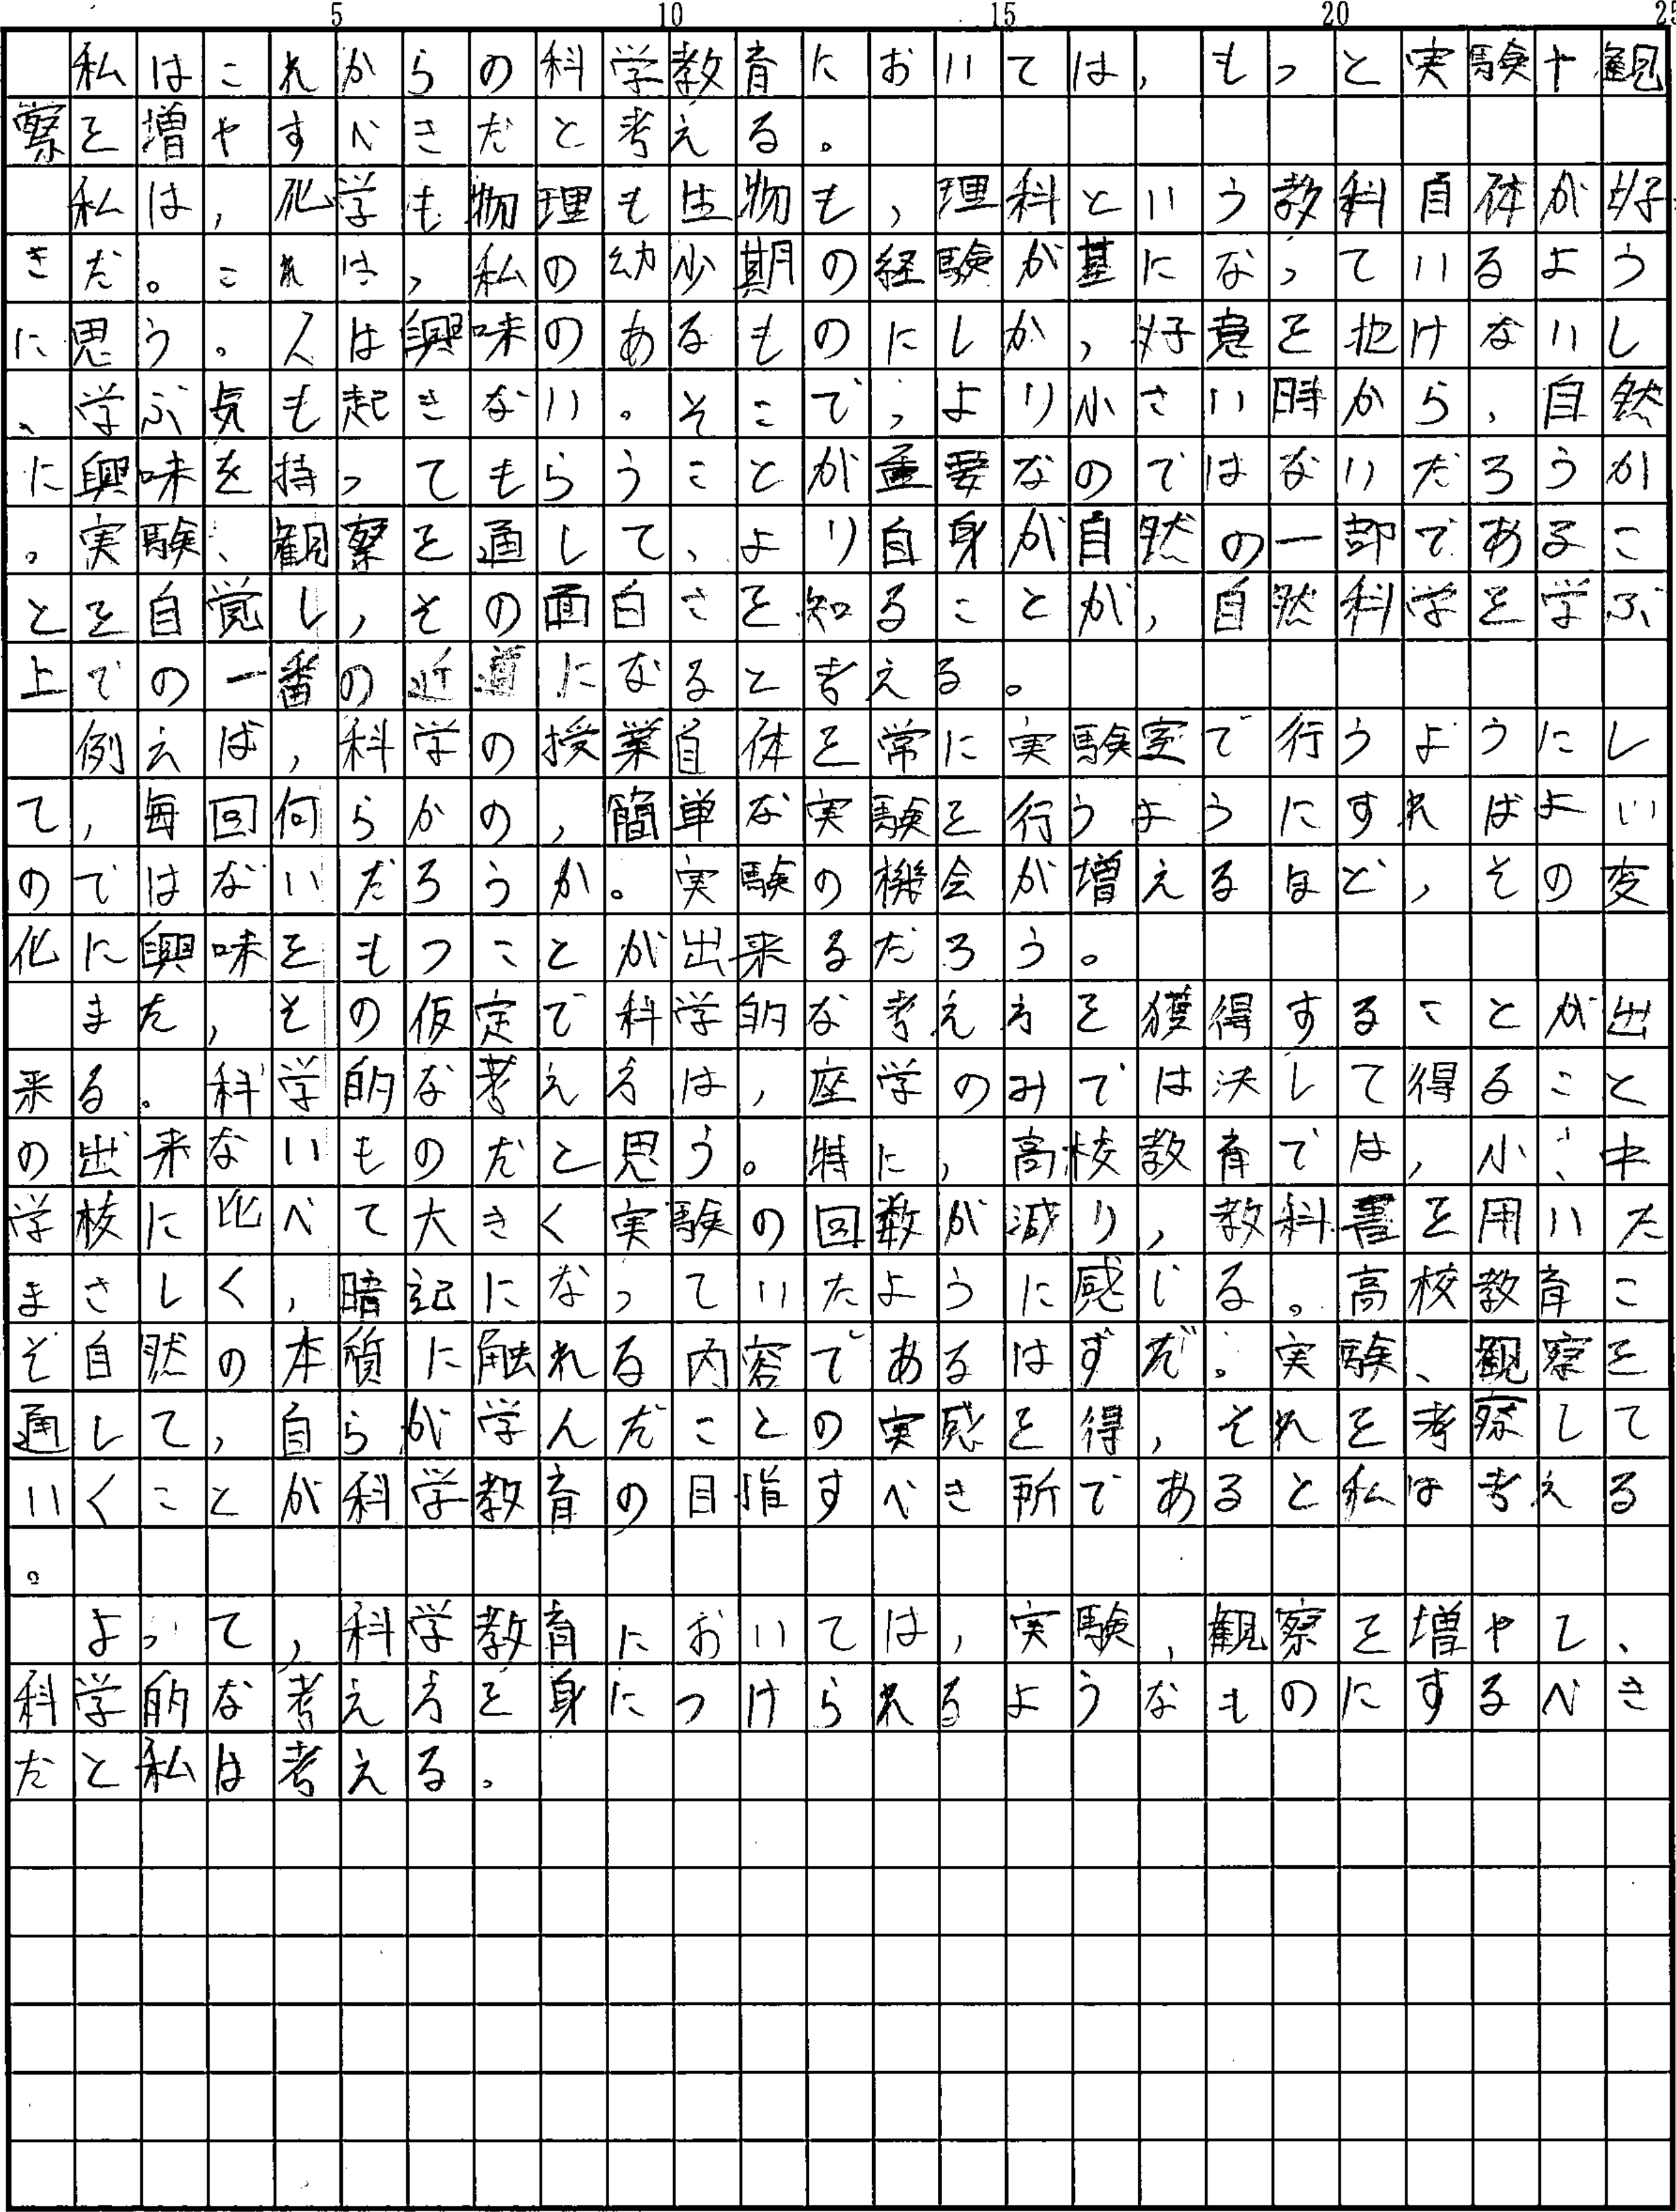　私はこれからの科学教育においては、もっと実験や観察を増やすべきだと考える。
　私は、化学も物理も生物も、理科という教科自体が好きだ。これは、私の幼少期の経験が基になっているように思う。人は興味のあるものにしか、好意を抱けないし、学ぶ気も起きない。そこで、より小さい時から、自然に興味を持ってもらうことが重要なのではないだろうか。実験、観察を通して、より自身が自然の一部であることを自覚し、その面白さを知ることが、自然科学を学ぶ上での一番の近道になると考える。
　例えば、科学の授業自体を常に実験室で行うようにして、毎回何らかの、簡単な実験を行うようにすればよいのではないだろうか。実験の機会が増えるほど、その変化に興味をもつことが出来るだろう。
　また、その仮定で科学的な考え方を獲得することが出来る。科学的な考え方は、座学のみでは決して得ることの出来ないものだと思う。特に、高校教育では、小、中学校に比べて大きく実験の回数が減り、教科書を用いたまさしく、暗記になっていたように感じる。高校教育こそ自然の本質に触れる内容であるはずだ。実験、観察を通して、自らが学んだことの実感を得、それを考察していくことが科学教育の目指すべき所であると私は考える。
　よって、科学教育においては、実験、観察を増やし、科学的な考え方を身につけられるようなものにするべきだと私は考える。
